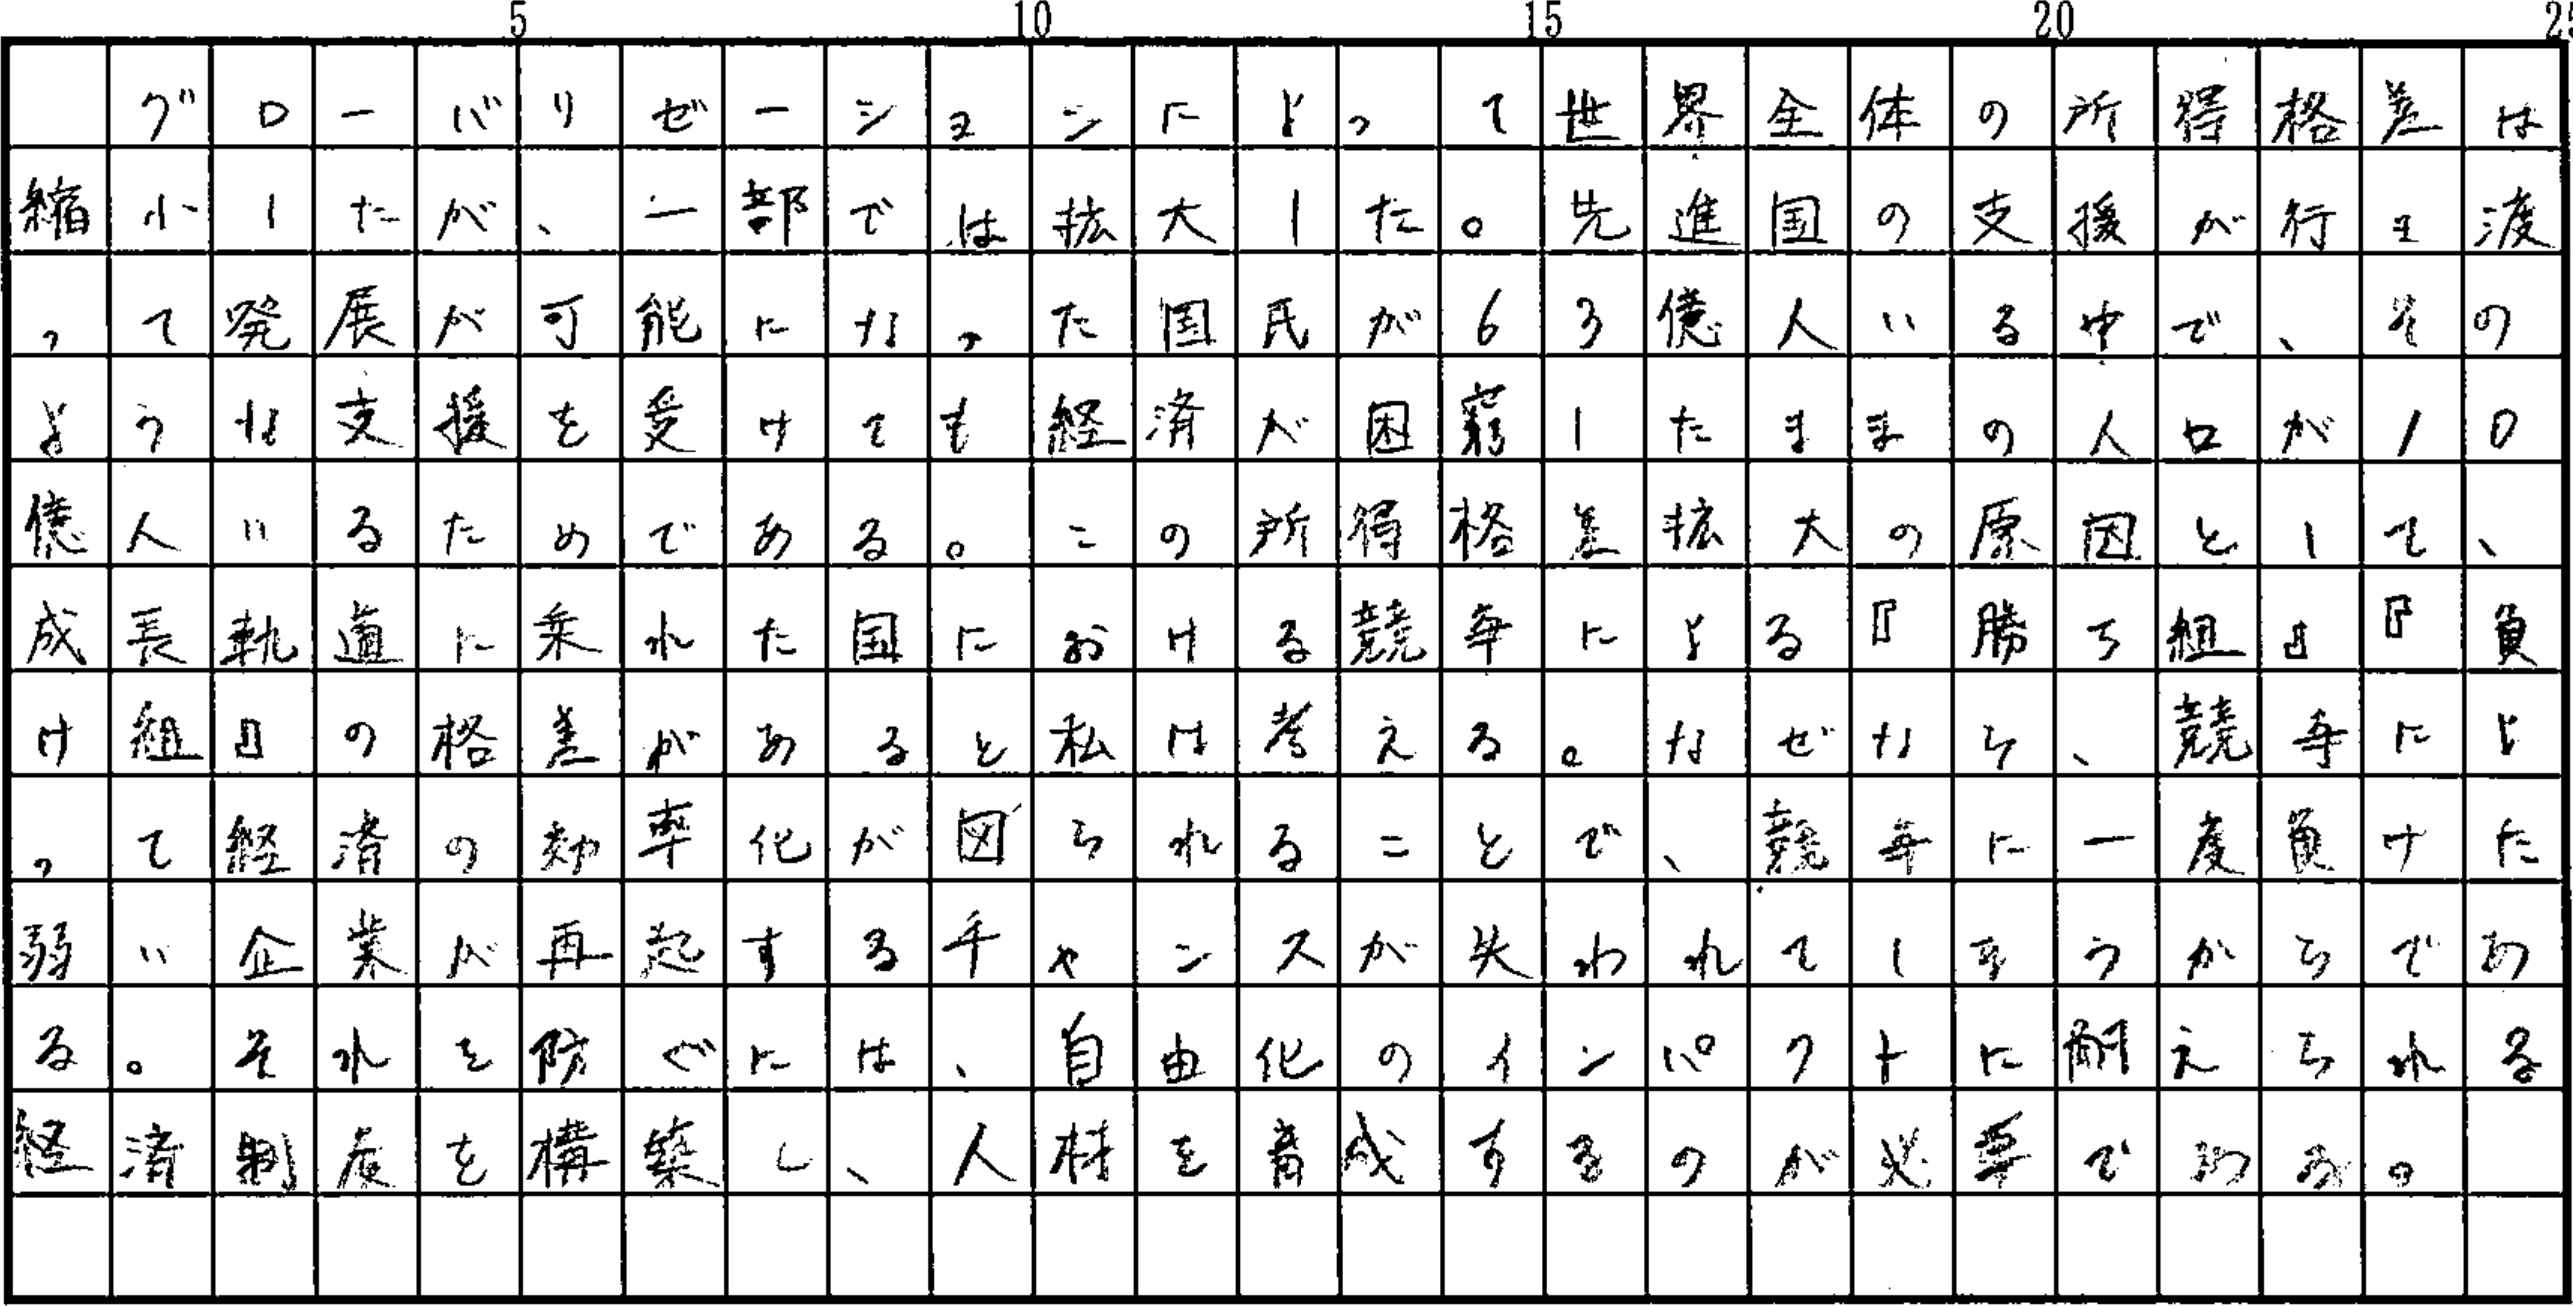　グローバリゼーションによって世界全体の所得格差は縮小したが、一部では拡大した。先進国の支援が行き渡って発展が可能になった国民が６３億人いる中で、そのような支援を受けても経済が困窮したままの人口が１０億人いるためである。この所得格差拡大の原因として、成長軌道に乗れた国における競争による『勝ち組』『負け組』の格差があると私は考える。なぜなら、競争によって経済の効率化が図られることで、競争に一度負けた弱い企業が再起するチャンスが失われてしまうからである。それを防ぐには、自由化のインパクトに耐えられる経済制度を構築し、人材を育成するのが必要である。
